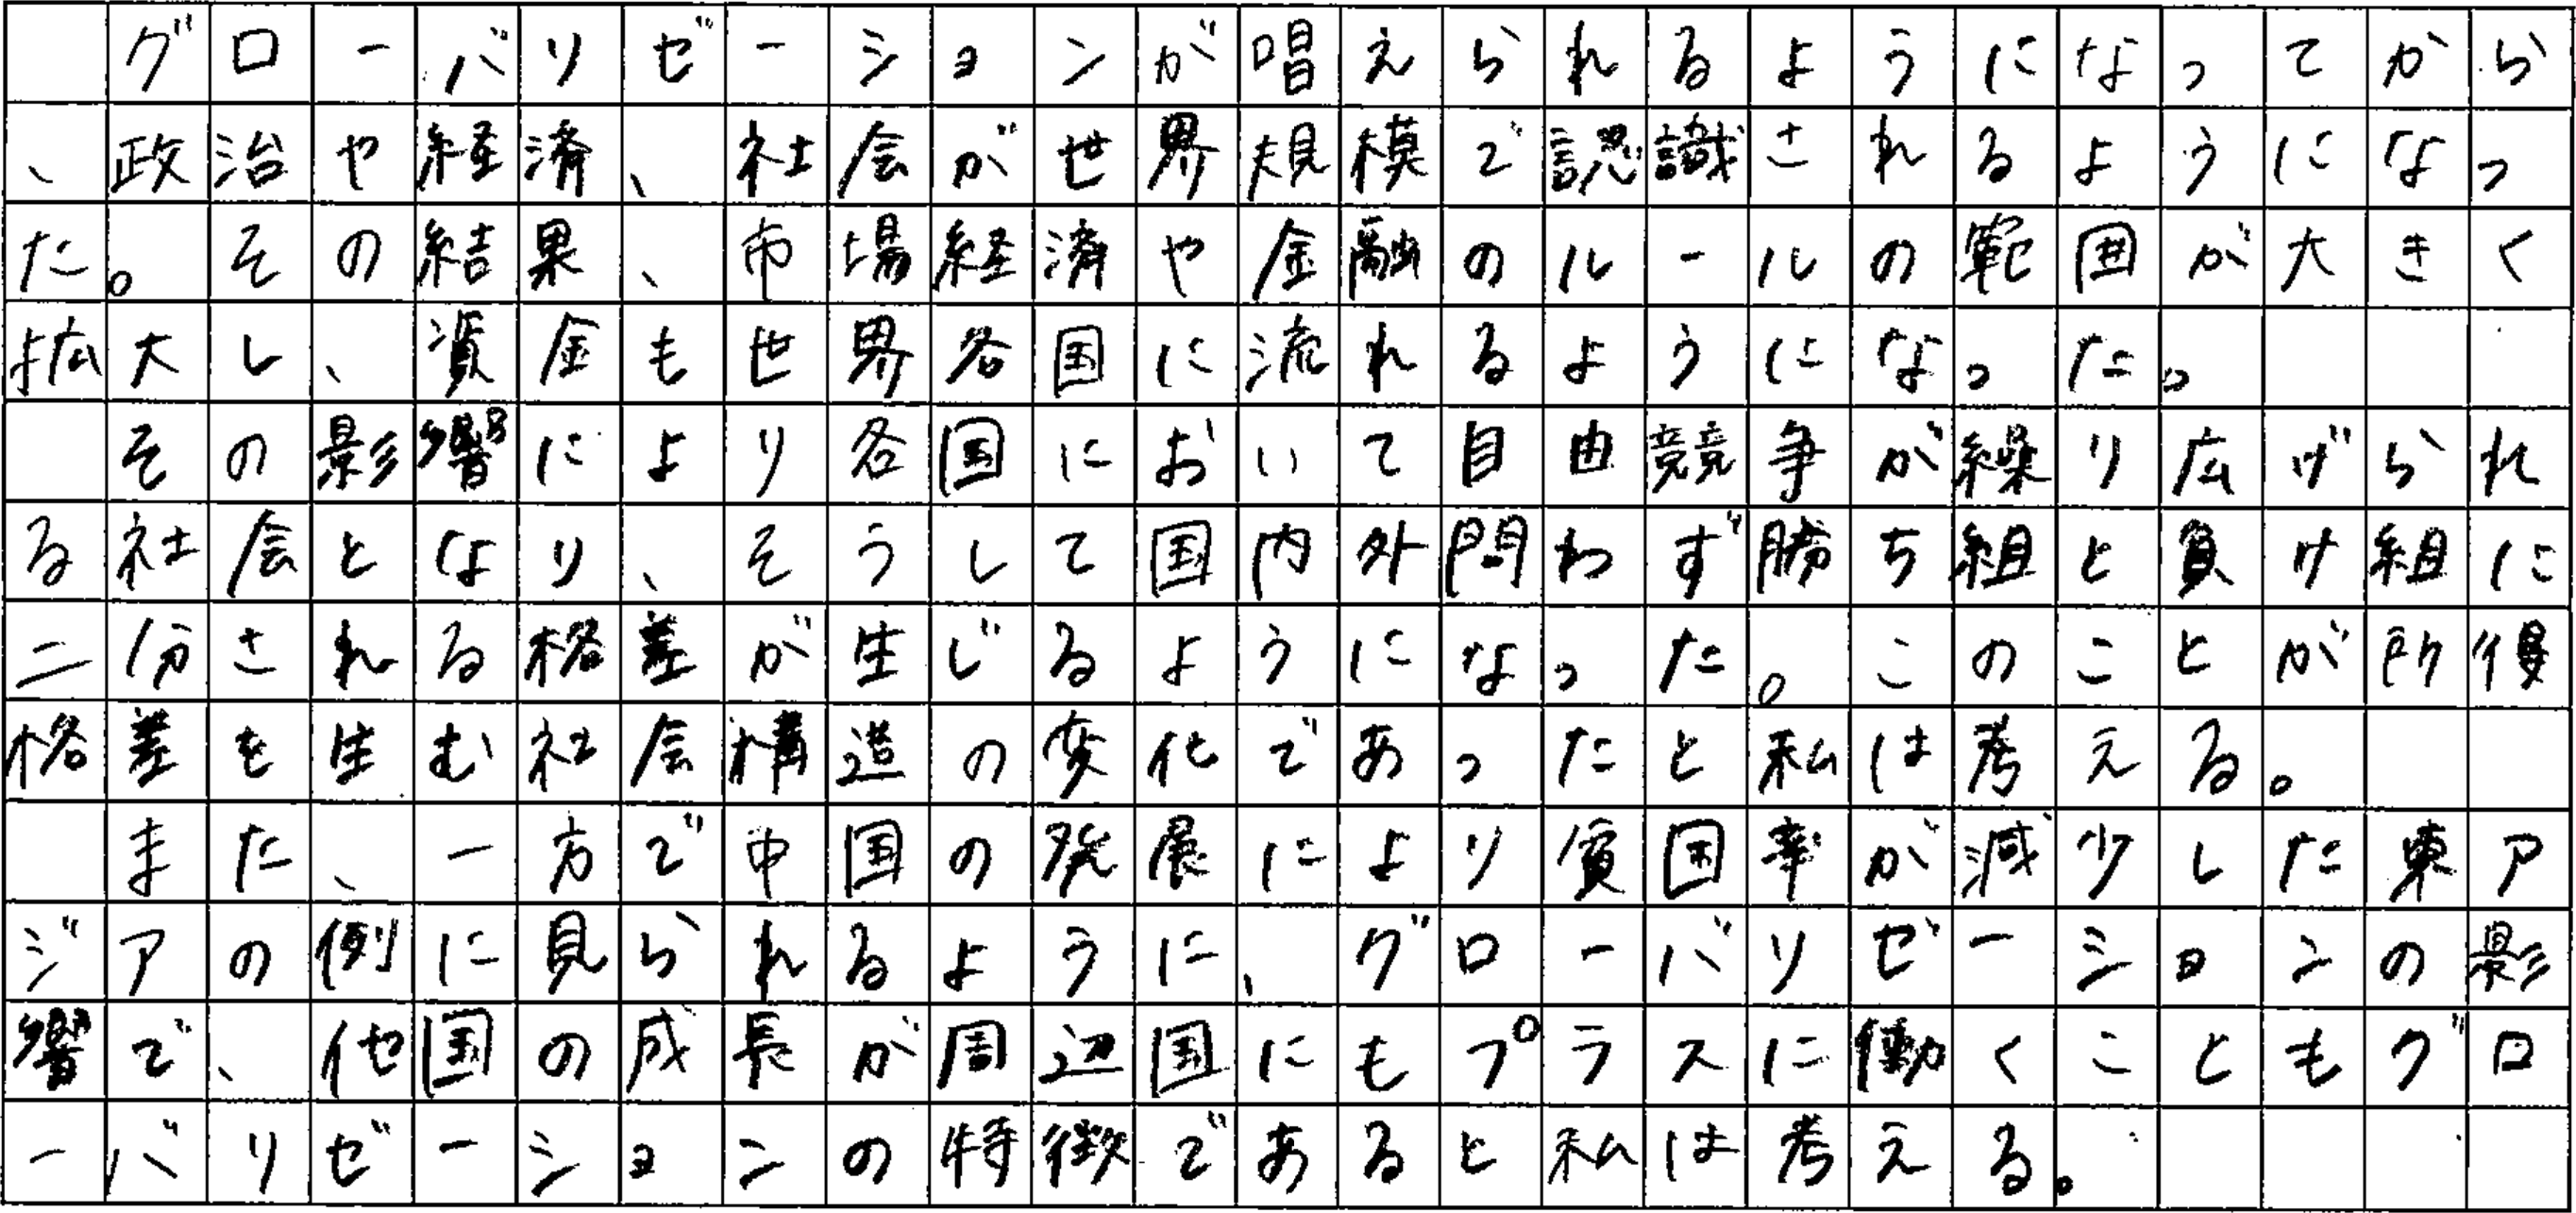　グローバリゼーションが唱えられるようになってから、政治や経済、社会が世界規模で認識されるようになった。その結果、市場経済や金融のルールの範囲が大きく拡大し、資金も世界各国に流れるようになった。
　その影響により各国において自由競争が繰り広げられる社会となり、そうして国内外問わず勝ち組と負け組に二分される格差が生じるようになった。このことが所得格差を生む社会構造の変化であったと私は考える。
　また、一方で中国の発展により貧困率が減少した東アジアの例に見られるように、グローバリゼーションの影響で、他国の成長が周辺国にもプラスに働くこともグローバリゼーションの特徴であると私は考える。
